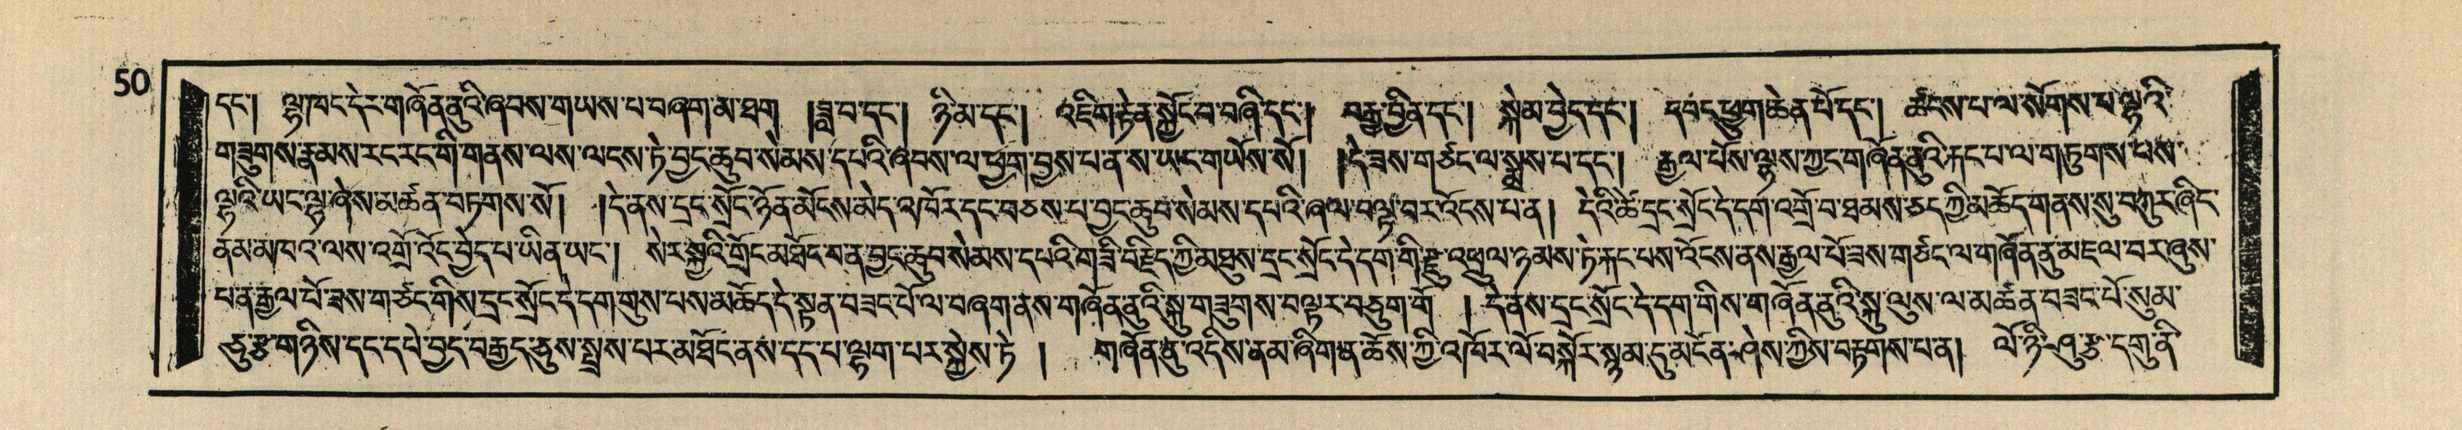དང་། ལྷ་ཁང་དེར་གཞོན་ནུའི་ཞབས་གཡས་པ་བཞག་མ་ཐག །ཟླ་བ་དང་། ཉི་མ་དང་། འཇིག་རྟེན་སྐྱོང་བ་བཞི་དང་། བརྒྱ་བྱིན་དང་། སྐེམ་བྱེད་དང་། དབང་ཕྱུག་ཆེན་པོ་དང་། ཚངས་པ་ལ་སོགས་པ་ལྷའི་
གཟུགས་རྣམས་རང་རང་གི་གནས་ལས་ལངས་ཏེ་བྱང་ཆུབ་སེམས་དཔའི་ཞབས་ལ་ཕྱག་བྱས་པ་ན་ས་ཡང་གཡོས་སོ། །དེ་ཟས་གཙང་ལ་སྨྲས་པ་དང་། རྒྱལ་པོས་ལྷས་ཀྱང་གཞོན་ནུའི་རྐང་པ་ལ་གཏུགས་པས་
ལྷའི་ཡང་ལྷ་ཞེས་མཚན་བཏགས་སོ། །དེ་ནས་དྲངས་སྲོང་ཉོན་མོངས་མེད་འཁོར་དང་བཅས་པ་བྱང་ཆུབ་སེམས་དཔའི་ཞལ་བལྟ་བར་འོངས་པ་ན། དེའི་ཚེ་དྲང་སྲོང་དེ་དག་འགྲོ་བ་ཐམས་ཅད་ཀྱི་མཆོད་གནས་སུ་བཀུར་ཞིང་
ནམ་མཁའ་ལས་འགྲོ་འོང་བྱེད་པ་ཡིན་ཡང་། སེར་སྐྱའི་གྲོང་མཐོང་བ་ན་བྱང་ཆུབ་སེམས་དཔའི་གཟི་བརྗིད་ཀྱི་མཐུས་དྲང་སྲོང་དེ་དག་གི་རྫུ་འཕྲུལ་ཉམས་ཏེ་རྐང་པས་འོངས་ནས་རྒྱལ་པོ་ཟས་གཙང་ལ་གཞོན་ནུ་མཇལ་བར་ཞུས་
པ་ན་རྒྱལ་པོ་ཟས་གཙང་གིས་དྲང་སྲོང་དེ་དག་གུས་པས་མཆོད་དེ་སྟན་བཟང་པོ་ལ་བཞག་ནས་གཞོན་ནུའི་སྐུ་གཟུགས་བལྟར་བཅུག་གོ །དེ་ནས་དྲང་སྲོང་དེ་དག་གིས་གཞོན་ནུའི་སྐུ་ལུས་ལ་མཚན་བཟང་པོ་སུམ་
ཅུ་རྩ་གཉིས་དང་དཔེ་བྱང་བརྒྱད་ཅུས་སྤྲས་པར་མཐོང་ནས་དད་པ་ལྷག་པར་སྐྱེས་ཏེ། གཞོན་ནུ་འདིས་ནམ་ཞིག་ན་ཆོས་ཀྱི་འཁོར་ལོ་བསྐོར་སྙམ་དུ་མངོན་ཤེས་ཀྱིས་བརྟགས་པ་ན། ལོ་ཉི་ཤུ་རྩ་དགུ་ནི་